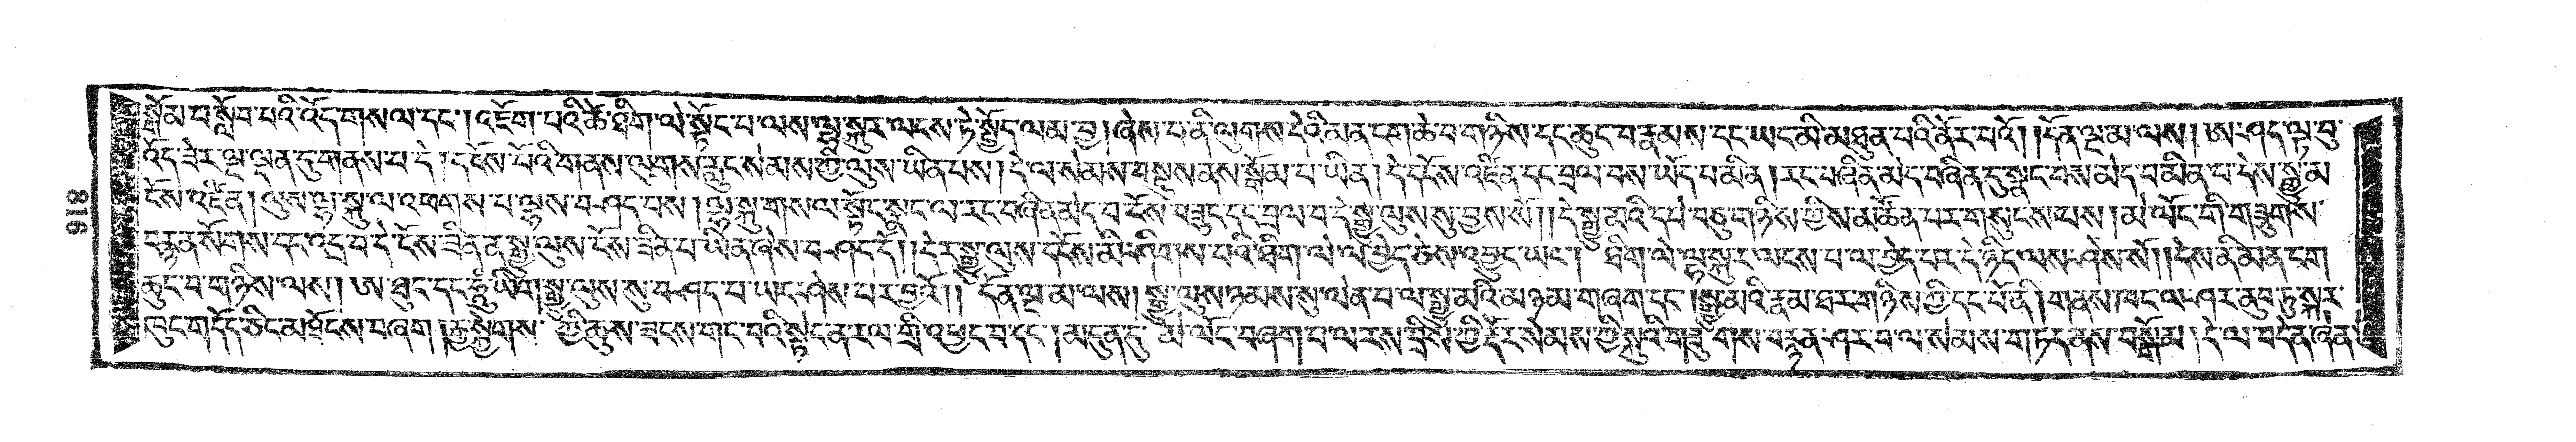སྒོམ་པ་སློབ་པའི་འོད་གསལ་དང་། འཇོག་པའི་ཚེ་ཐེག་ལེ་སྟོང་པ་ལས་ལྷ་སྐུར་ལངས་ཏེ་སྤྱོད་ལམ་བྱ། ཞེས་པ་ནི་ལུགས་དེའི་མན་ངག་ཆེ་བ་གཉིས་དང་ཆུང་བ་རྣམས་དང་ཡང་མི་མཐུན་པའི་ནོར་པའོ། །དོན་ལྔ་མ་ལས། ཨ་ཤད་ལྟ་བུ་
འོད་ཟེར་ལྔ་ལྡན་དུ་གནས་པ་དེ། དངོས་པོའི་གནས་ལུགས་རླུང་སེམས་ཀྱི་ལུས་ཡིན་པས། དེ་ལ་སེམས་བསྡུས་ནས་སྒོམ་པ་ཡིན། དེ་དངོས་འཛིན་དང་བྲལ་བས་ཡོད་པ་མིན། རང་བཞིན་མེད་བཞིན་དུ་སྣང་བས་མེད་པ་མིན་པ་དེས་སྒྱུ་མ་
ངོས་འཛིན། ལུས་ལྷ་སྐུ་ལ་འཕགས་པ་ལྷས་བཤད་པས། ལྷ་སྐུ་གསལ་སྟོང་སྣང་ལ་རང་བཞིན་མེད་པ་ངོས་བཟུང་དང་བྲལ་བ་དེ་སྒྱུ་ལུས་སུ་བྱས་སོ། །དེ་སྒྱུ་མའི་དཔེ་བཅུ་གཉིས་ཀྱིས་མཚོན་པར་གསུངས་པས། མེ་ལོང་གི་གཟུགས་
བརྙན་སོགས་དང་འདྲ་བ་དེ་ངོས་ཟིན་ན་སྒྱུ་ལུས་ངོས་ཟིན་པ་ཡིན་ཞེས་བཤད་དོ། །དེར་སྒྱུ་ལུས་དངོས་མི་ཤིགས་པའི་ཐིག་ལེ་ལ་བྱེད་ཅེས་འབྱུང་ཡང་། ཐིག་ལེ་ལྷ་སྐུར་ལངས་པ་ལ་བྱེད་པར་དེ་ཉིད་ལས་ཤེས་སོ། །དེས་ནི་མན་ངག་
ཆུང་བ་གཉིས་ལས། ཨ་ཐུང་དང་ཧཱུཾ་ཡིག་སྒྱུ་ལུས་སུ་བཤད་པ་ཡང་ཤེས་པར་བྱའོ། །དོན་ལྔ་མ་ལས། སྒྱུ་ལུས་ཉམས་སུ་ལེན་པ་ལ་སྒྱུ་མའི་མཉམ་གཞག་དང་། སྒྱུ་མའི་རྣམ་ཐར་གཉིས་ཀྱི་དང་པོ་ནི། གནས་ཁང་ལ་ཤར་ནུབ་ཏུ་སྐར་
ཁུང་གདོད་ཅིང་མཐོངས་བཞག །རྒྱ་སྐྱེགས་ཀྱི་ཆུས་ཟངས་གང་བའི་སྟེང་ན་རལ་གྲི་འཕྱང་བ་དང་། མདུན་དུ་མེ་ལོང་བཞག་པ་ལ་རས་བྲིས་ཀྱི་རྡོར་སེམས་ཀྱི་སྐུའི་གཟུགས་བརྙན་ཤར་བ་ལ་སེམས་གཏད་ནས་བསྒོམ་།དེ་ལ་བདེན་ཞེ་ན་